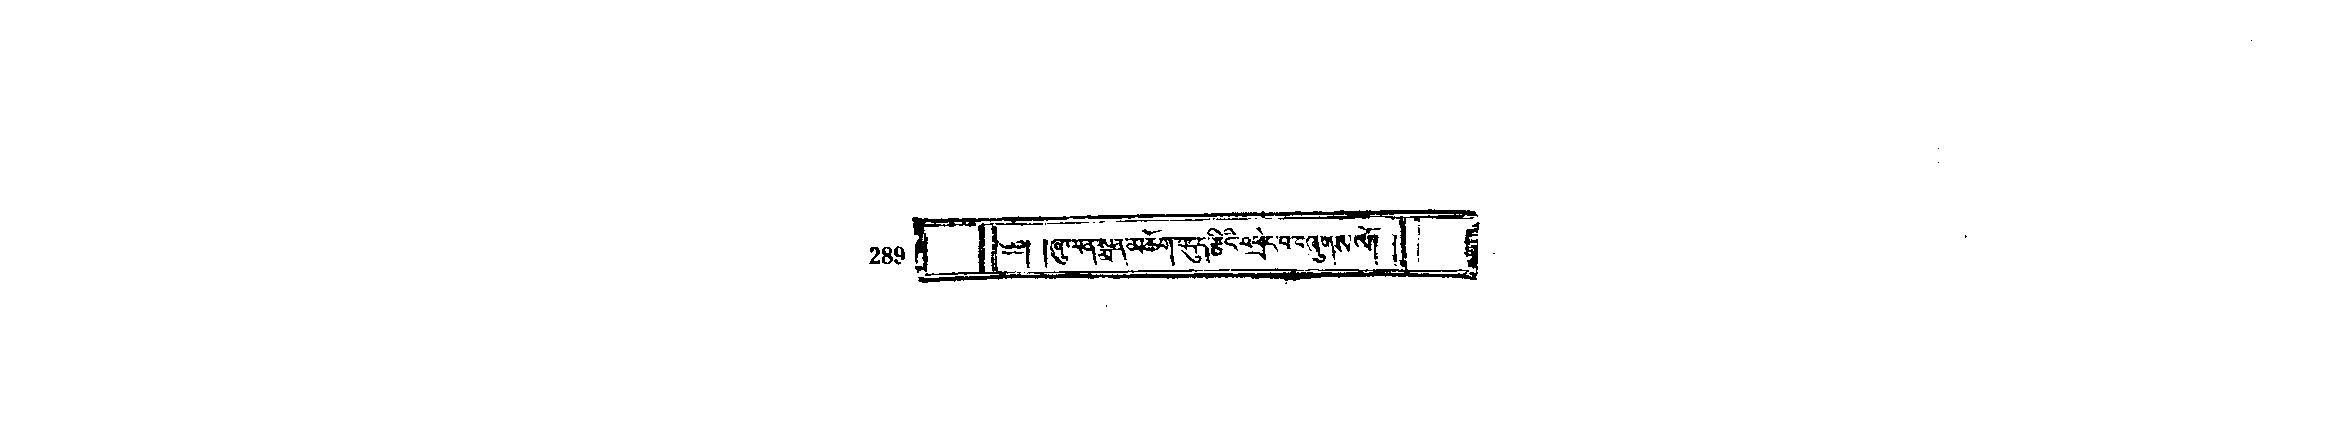༄༅། །ཞུ་ལན་སྨན་མཆོག་བདུད་རྩིའི་འཕྲེང་བ་བཞུགས་སོ། །